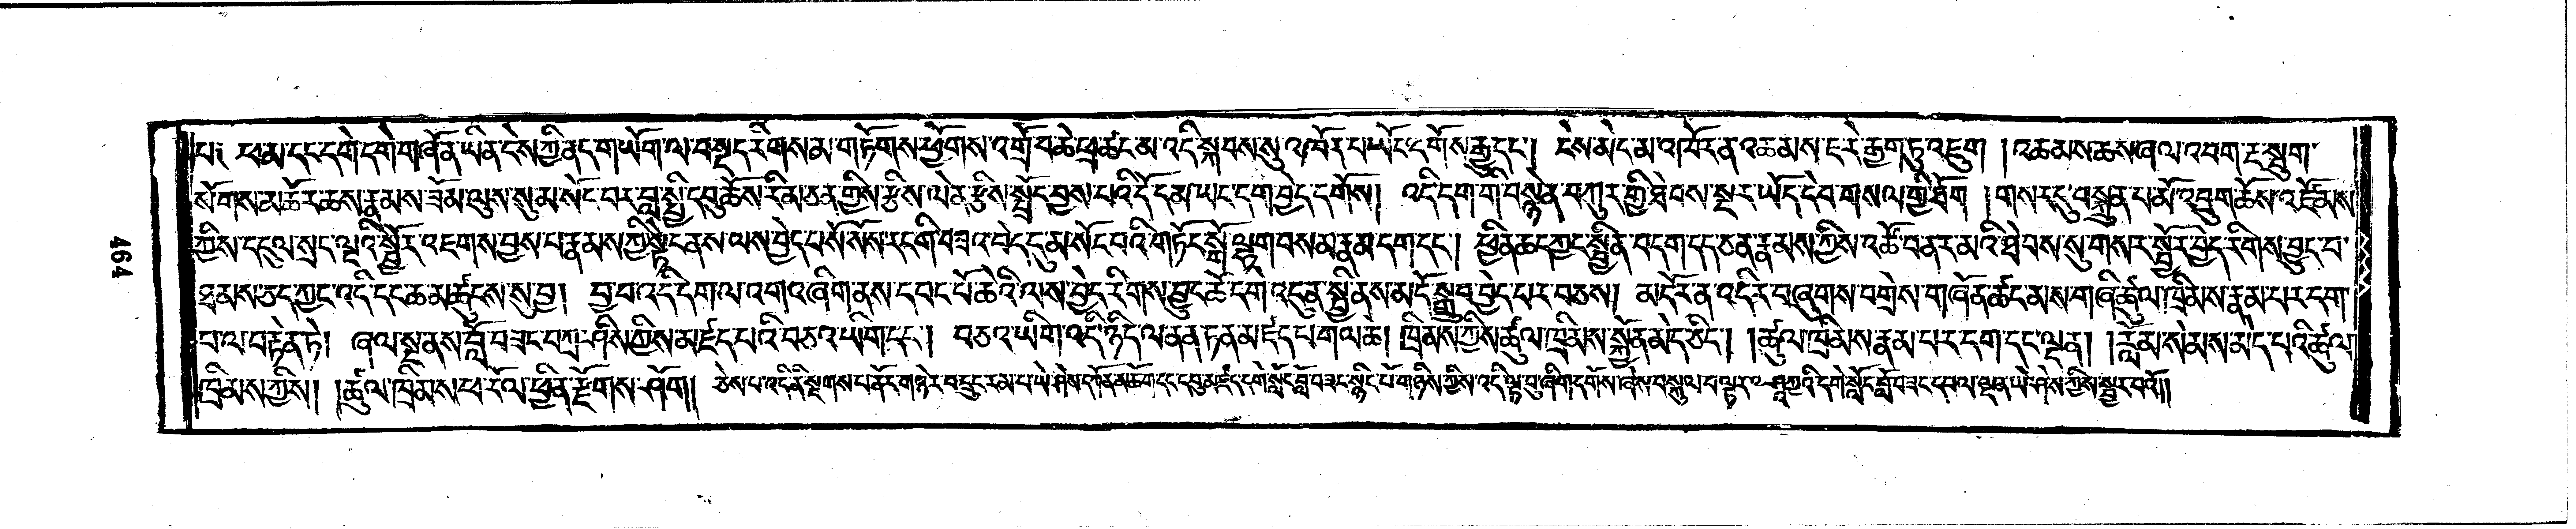པ༑ ཕམ་དང་དགེ་དགེ་གཞོན་ཡིན་ངེས་ཀྱི་ནད་གཡོག་ལ་བསྡད་རིགས་མ་གཏོགས་ཕྱོགས་འགྲོ་བ་ཆེ་ཕྲ་ཚང་མ་འདི་སྐབས་སུ་འཁོར་པ་ཡོང་དགོས་རྒྱུ་དང་། ངེས་མེད་མ་འཁོར་ན་འཆམས་ཇ་རེ་རྒྱག་ཏུ་འཇུག །འཆམས་ཆས་ཞལ་འབག་རྔ་སྦུག་
སོགས་མཆོར་ཆས་རྣམས་ཟོམ་ལུས་སུ་མ་སོང་བར་བླ་སྤྱི་དབུ་ཆོས་རིམ་ཅན་གྱིས་རྩིས་ལེན་རྩིས་སྤྲོད་བྱས་པའི་དོ་དམ་ཡང་དག་བྱེད་དགོས། འདི་དག་གི་བསྙེན་བཀུར་གྱི་ཐེབས་སྔར་ཡོད་དེབ་གསལ་གྱི་ཐོག །གསར་དུ་བསྐྲུན་པ་མོ་འབྲུག་ཆོས་འཛོམས་
ཀྱིས་དངུལ་སྲད་ལྔའི་སྦྱོར་འཇགས་བྱས་པ་རྣམས་ཀྱི་སྟེང་ནས་ལས་བྱེད་པ་སོ་སོས་རང་གི་བཟའ་བེད་དུ་མ་སོང་བའི་གཏོང་སྒོ་ལྷག་བསམ་རྣམ་དག་དང་། ཕྱིན་ཆད་ཀྱང་སྦྱིན་བདག་དད་ཅན་རྣམས་ཀྱིས་འཚོ་བ་ནར་མའི་ཐེབས་སུ་གསར་སྦྱོར་བྱེད་རིགས་བྱུང་བ་
ཐམས་ཅད་ཀྱང་འདི་དང་ཆ་མཚུངས་སུ་བྱ། བྱ་བ་འདི་དག་ལ་འགའ་ཞིག་ནས་དབང་པོ་ཆེའི་ལས་བྱེད་རིགས་བྱུང་ཚེ་དགེ་འདུན་སྤྱི་ནས་མདོ་སྒྲུབ་བྱེད་པར་བཅས། མདོར་ན་འདིར་བཞུགས་བགྲེས་གཞོན་ཚང་མས་གཞི་ཚུལ་ཁྲིམས་རྣམ་པར་དག་
པ་ལ་བརྟེན་ཏེ། ཞལ་སྔ་ནས་བློ་བཟང་བཀྲ་ཤིས་ཀྱིས་མཛད་པའི་བཅའ་ཡིག་དང་། བཅའ་ཡིག་འདི་ཉིད་ལ་ནན་ཏན་མཛད་པ་གལ་ཆེ། ཁྲིམས་ཀྱིས་ཚུལ་ཁྲིམས་སྐྱོན་མེད་ཅིང་། །ཚུལ་ཁྲིམས་རྣམ་པར་དག་དང་ལྡན། །རློམ་སེམས་མེད་པའི་ཚུལ་
ཁྲིམས་ཀྱིས། །ཚུལ་ཁྲིམས་ཕ་རོལ་ཕྱིན་རྫོགས་ཤོག། ཅེས་པ་འདི་ནི་སྔགས་པ་ནོར་གཉེར་བ་དྲུང་རམ་པ་ཡེ་ཤེས་དཀོན་མཆོག་དང་དབུ་མཛད་དགེ་སློང་བློ་བཟང་སྙིང་པོ་གཉིས་ཀྱིས་འདི་ལྟ་བུ་ཞིག་དགོས་ཞེས་བསྐུལ་བལྟར་༧་ཤཱཀྱའི་དགེ་སློང་བློ་བཟང་དཔལ་ལྡན་ཡེ་ཤེས་ཀྱིས་སྦྱར་བའོ།།